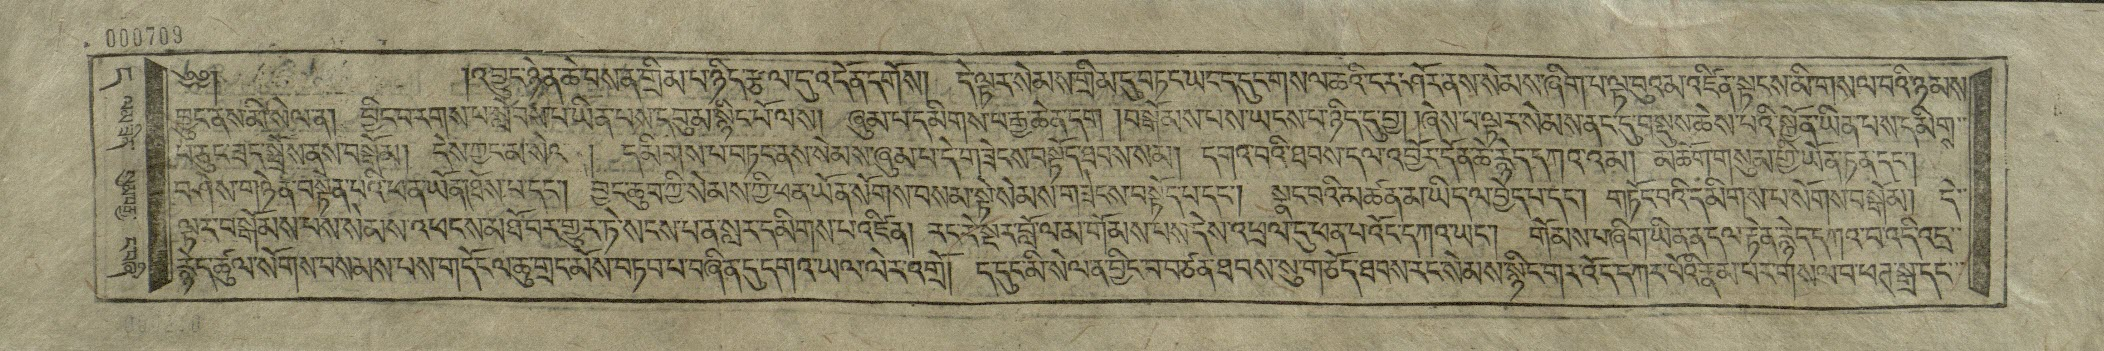༄༅། །འབྱུང་ཉེན་ཆེ་བས་ན་གྲིམ་པ་ཉིད་རྩལ་དུ་འདོན་དགོས། དེ་ལྟར་སེམས་གྲིམ་དུ་བཏང་ཡང་ད་དུང་གསལ་ཆའི་ངར་ཤོར་ནས་སེམས་ཞིག་པ་ལྟ་བུའམ་འཛིན་སྟངས་མི་གསལ་བའི་ཉམས་
བྱུང་ནས་མི་སེལ་ན། བྱིང་བ་རགས་པ་སླེབས་པ་ཡིན་པས་དབུ་མ་སྙིང་པོ་ལས། ཞུམ་པ་དམིགས་པ་རྒྱ་ཆེན་དག །བསྒོམས་པས་ཡངས་པ་ཉིད་དུ་བྱ། །ཞེས་པ་ལྟར་སེམས་ནང་དུ་བསྡུས་ཆེས་པའི་སྐྱོན་ཡིན་པས་དམིགས་
པ་ཅུང་ཟད་སྤྲོས་ནས་བསྒོམ། དེས་ཀྱང་མ་སེལ་ན། དམིགས་པ་བཏང་ནས་སེམས་ཞུམ་པ་དེ་གཟེངས་བསྟོད་ཐབས་སམ། དགའ་བའི་ཐབས་དལ་འབྱོར་དོན་ཆེ་རྙེད་དཀའ་འམ། མཆོག་གསུམ་གྱི་ཡོན་ཏན་དང་།
བཤེས་གཉེན་བསྟེན་པའི་ཕན་ཡོན༑ ཐོས་པ་དང་། བྱང་ཆུབ་ཀྱི་སེམས་ཀྱི་ཕན་ཡོན་སོགས་བསམ་སྟེ་སེམས་གཟེངས་བསྟོད་པ་དང་། སྣང་བའི་མཚན་མ་ཡིད་ལ་བྱེད་པ་དང་། གཏོང་བའི་དམིགས་པ་སོགས་བསྒོམ། དེ་
ལྟར་བསྒོམས་པས་སེམས་འཕངས་མཐོ་བར་གྱུར་ཏེ་སངས་པ་ན་སླར་དམིགས་པ་འཛིན། རང་རེ་སྔར་བློ་ལ་མ་གོམས་པས་དེས་འཕྲལ་དུ་ཕན་པ་འོང་དཀའ་ཡང་། གོམས་པ་ཞིག་ཡིན་ན་དལ་རྟེན་རྙེད་དཀའ་བ་འདི་འདྲ་
རྙེད་ཚུལ་སོགས་བསམས་པས་གདོང་ལ་ཆུ་གྲང་མོས་བཏབ་པ་བཞིན་དུ་དགའ་ཡལ་ལེར་འགྲོ། ད་དུང་མི་སེལ་ན་བྱིང་བ་བཙན་ཐབས་སུ་གཅོད་ཐབས་རང་སེམས་སྙིང་གར་འོད་དཀར་པོའི་རྣམ་པར་གསལ་བ་ཕཊ་སྒྲ་དང་